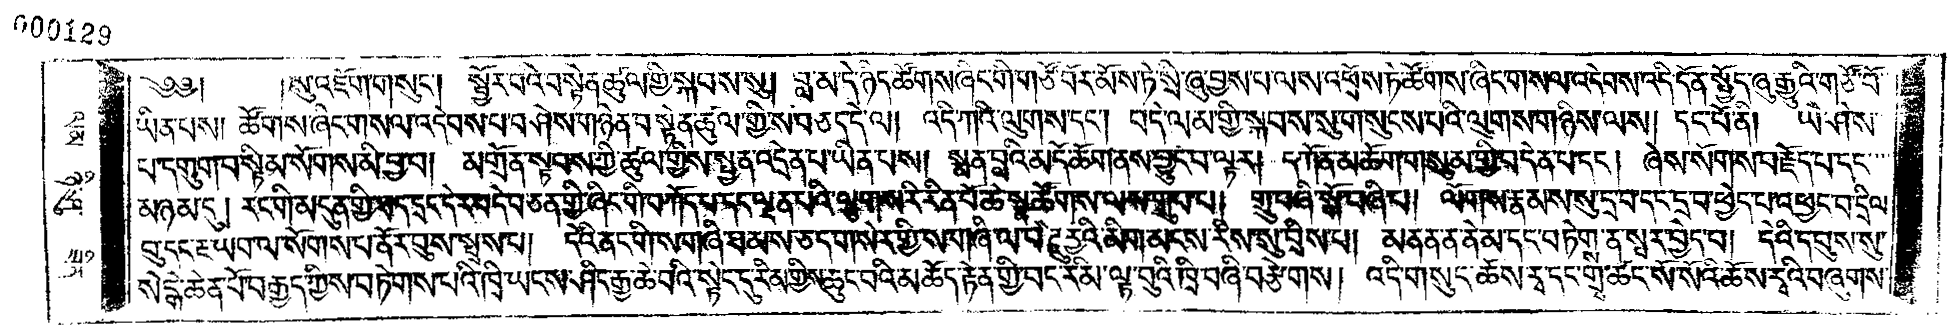༄༅། །སུ་འཇོག་གསུང་། སྦྱོར་བའི་བསྟེན་ཚུལ་གྱི་སྐབས་སུ། བླ་མ་དེ་ཉིད་ཚོགས་ཞིང་གི་གཙོ་བོར་མོས་ཏེ་སྲི་ཞུ་བྱས་པ་ལས་འཕྲོས་ཏེ་ཚོགས་ཞིང་གསལ་འདེབས་འདི་དོན་སྤྱོད་ཞུ་རྒྱུའི་གཙོ་བོ་
ཡིན་པས། ཚོགས་ཞིང་གསལ་འདེབས་པ་བཤེས་གཉེན་བསྟེན་ཚུལ་གྱི་ས་བཅད་དེ་ལ། འདི་ཀའི་ལུགས་དང་། བདེ་ལམ་གྱི་སྐབས་སུ་གསུངས་པའི་ལུགས་གཉིས་ལས། དང་པོ་ནི། ཡེ་ཤེས་
པ་དགུག་བསྟིམ་སོགས་མི་བྱ་བ། མགྲོན་སྟབས་ཀྱི་ཚུལ་གྱིས་སྤྱན་འདྲེན་པ་ཡིན་པས། སྨན་བླའི་མདོ་ཆོག་ནས་བྱུང་བ་ལྟར། དཀོན་མཆོག་གསུམ་གྱི་བདེན་པ་དང་། ཞེས་སོགས་བརྗོད་པ་དང་
མཉམ་དུ། རང་གི་མདུན་གྱི་ཐད་དྲང་དེར་བདེ་བ་ཅན་གྱི་ཞིང་གི་བཀོད་པ་དང་ལྡན་པའི་ལྕགས་རི་རིན་པོ་ཆེ་སྣ་ཚོགས་ལས་གྲུབ་པ། གྲུ་བཞི་སྒོ་བཞི་པ། ལོགས་རྣམས་སུ་དྲ་བ་དང་དྲ་བ་ཕྱེད་པ་འཕྱང་བ་དྲིལ་
བུ་དང་རྔ་ཡབ་ལ་སོགས་པ་ནོར་བུས་སྤྲས་པ། དེའི་ནང་གི་ས་གཞི་ཐམས་ཅད་གསེར་གྱི་ས་གཞི་ལ་བཻཌཱུརྱའི་མིག་མངས་རིས་སུ་བྲིས་པ། མནན་ན་ནེ་མ་དང་བཏེགས་ན་སྤར་བྱེད་པ། དེའི་དབུས་སུ་
སེངྒེ་ཆེན་པོ་བརྒྱད་ཀྱིས་བཏེགས་པའི་ཁྲི་ཡངས་ཤིང་རྒྱ་ཆེ་བའི་སྟེང་དུ་རིམ་གྱིས་ཆུང་བའི་མཆོད་རྟེན་གྱི་བང་རིམ་ལྟ་བུའི་ཁྲི་བཞི་བརྩེགས། འདི་གསུང་ཆོས་རྭ་དང་གྲྭ་ཚང་སོ་སོའི་ཆོས་རྭའི་བཞུགས་